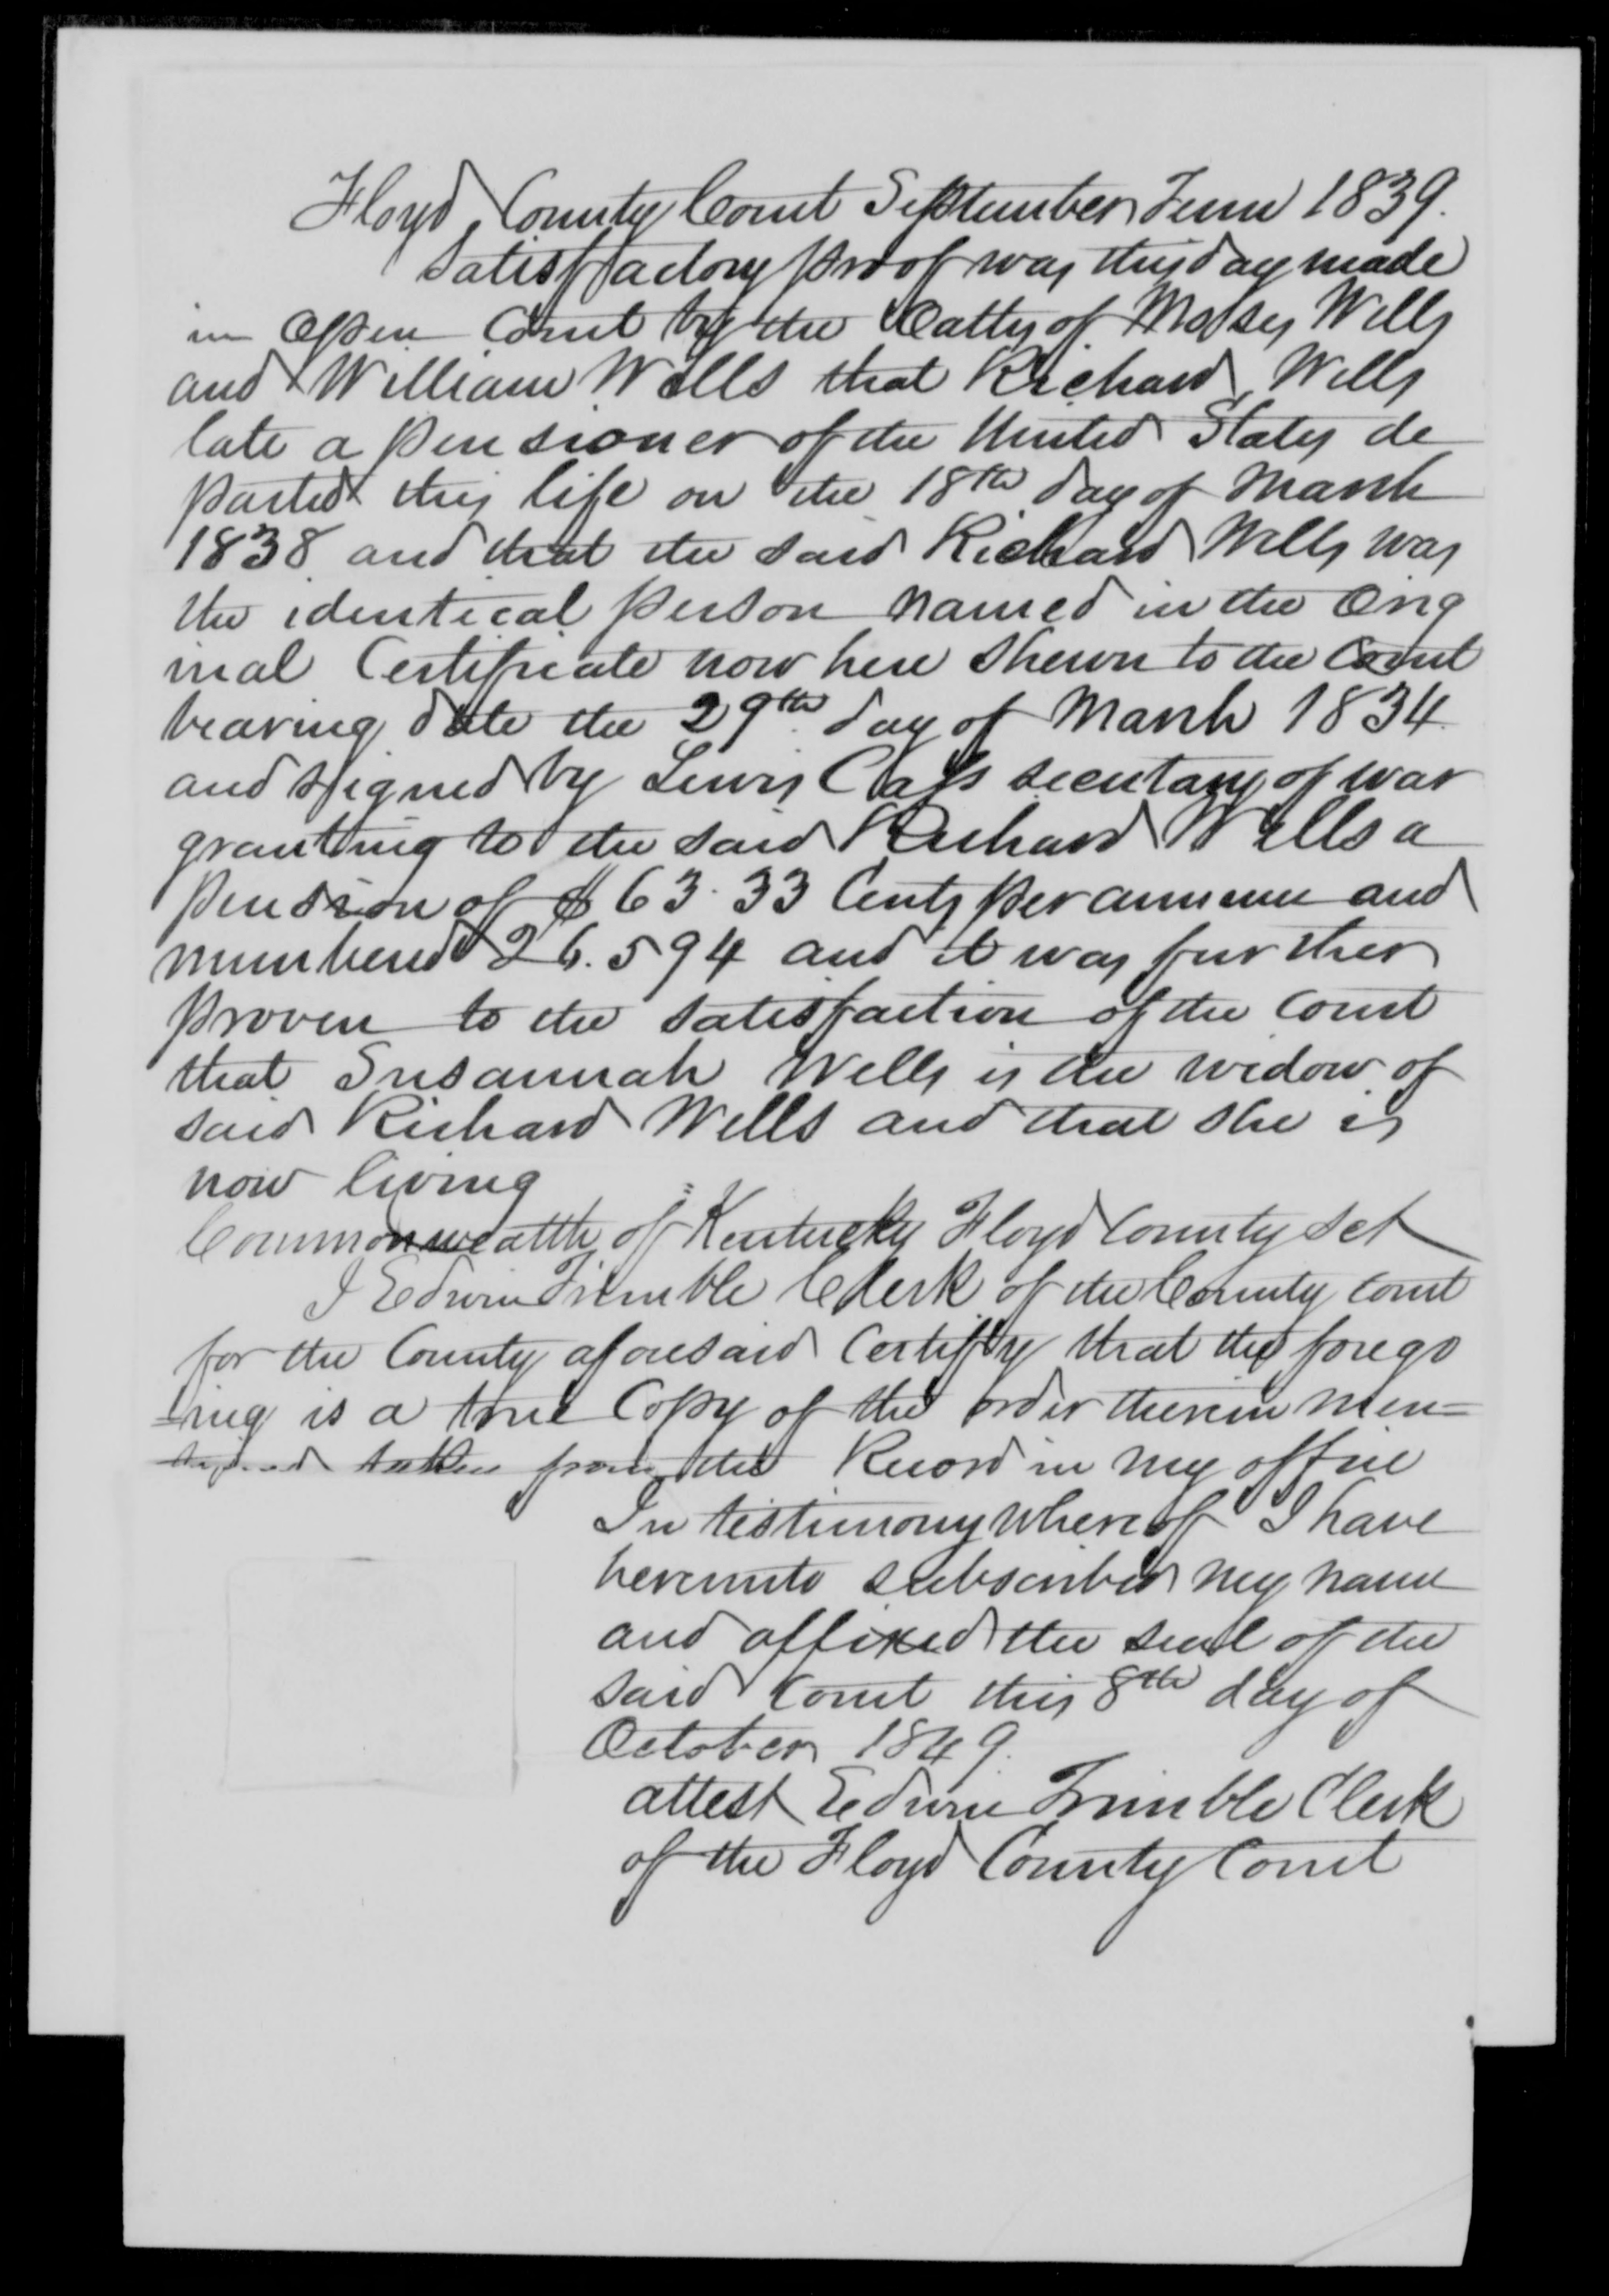Floyd County Court September Term 1839
Satisfactory proof was this day made in
open Court by the atty of Moses Wells
and William Wells that Richard Wells, 
late a pensioner of the United States, departed
 this life on the 18th day of March
1838 and that the said Richard Wells was
the identical person named in the Original
 Certificate now here shown to the Court
bearing date the 29th day of March 1834
and signed by Lewis Cass secretary of war
granting to the said Richard Wells a
Pension of $63.33 Cents per annum and
numbered 26.594 and it was further
proven to the satisfaction of the Court
that Susannah Wells is the widow of
said Richard Wells and that she is
now living.

Commonwealth of Kentucky Floyd County Sct
I Edwin Trimble Clerk of the County Court
for the County aforesaid certify that the foregoing
 is a true Copy of the order therein mentioned 
& taken from the Record in my office.
In testimony whereof I have hereunto subscribed my name
and affixed the seal of the
said Court this 8th day of
October 1849.
attest Edwin Trimble Clerk
of the Floyd County Court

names: William Wells, Edwin Trimble, Lewis Cass, Susannah Wells, Moses Wells, Richard Wells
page: 65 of 100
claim: widow's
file: W. 6437, Richard Wells, Ga Va.